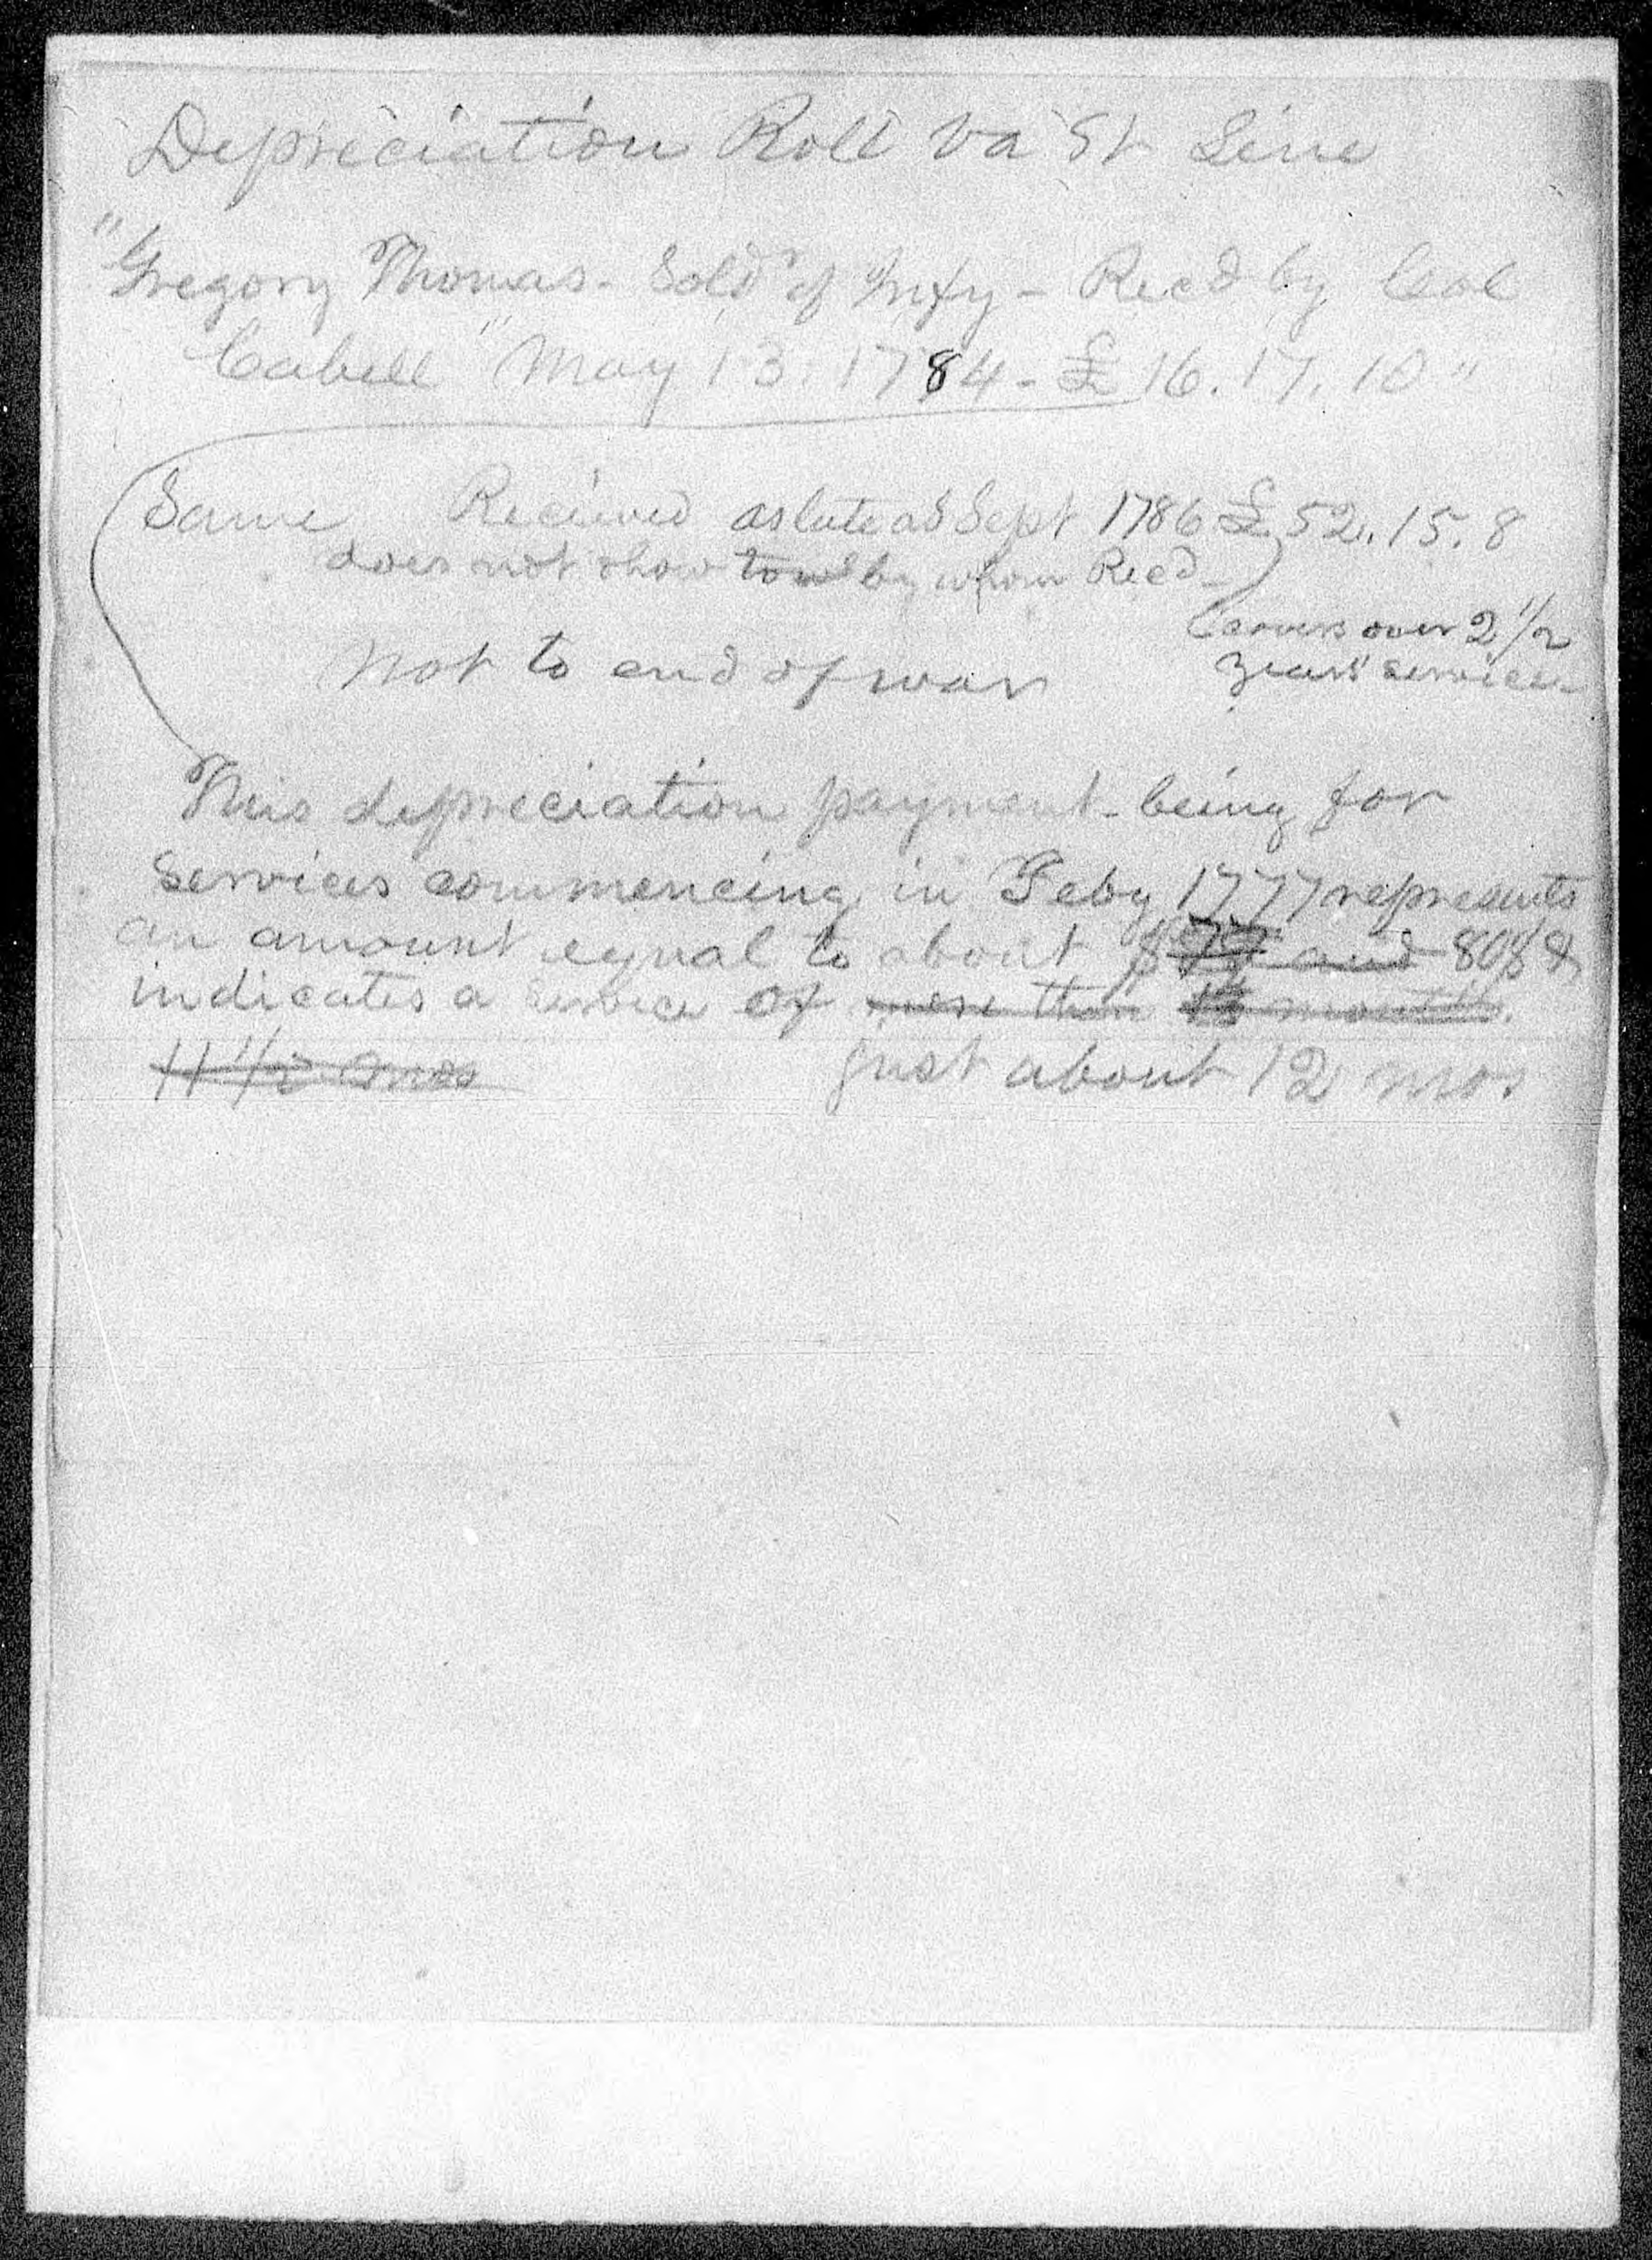Depreciation Roll Va St Line
"Gregory Thomas. Sold'r of Infy==Rec'd by Col Cabell" May 13, 1784. £16.17.10"
Same Recieved [sic] as late as Sept 1786 £52.15.8  covers over 2 1/2 years' service
does not show to or by whom rec'd.
not to end of war

This depreciation payment being for services commencing in Feb'y 1777 represents an amount equal to about $[marked through: 77 and] 80/[?]
indicates a service of [crossed out: more than 12 months 11 1/2 mos] just about 12 mos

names: Cabell, Gregory Thomas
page: 22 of 75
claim: widow's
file: W. 8876, Thomas Gregory, Continental Va